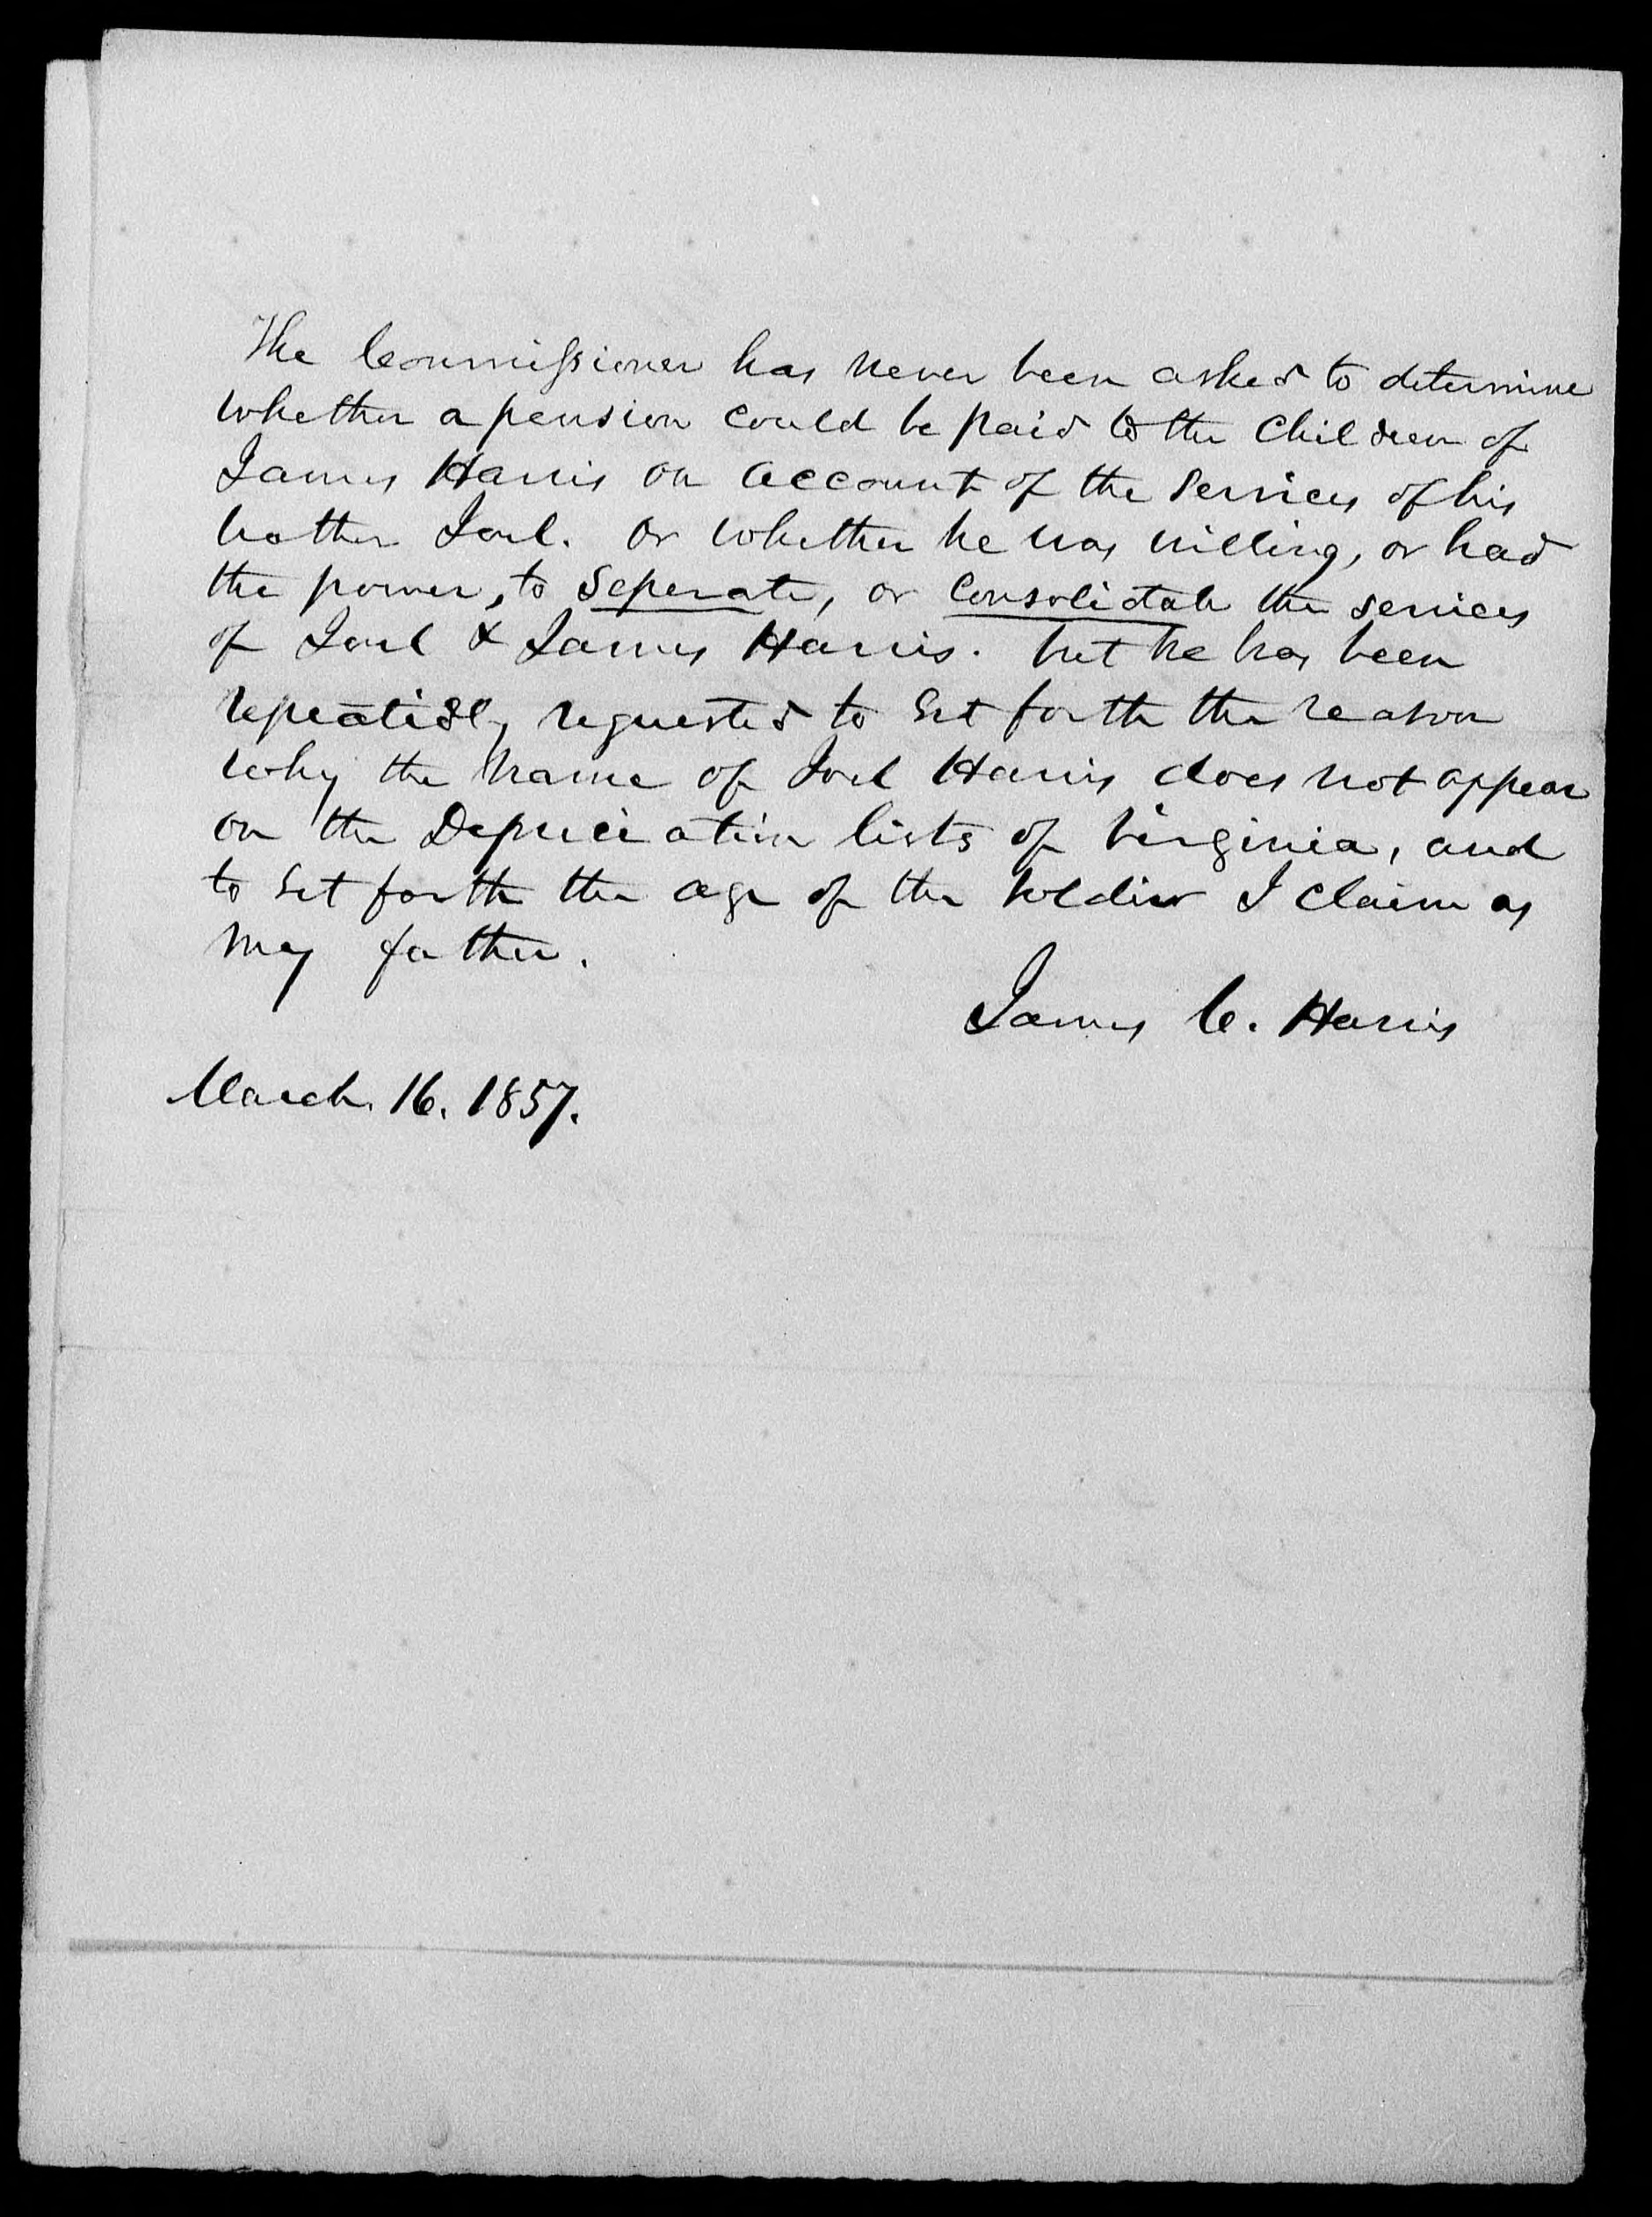The Commissioner has never been asked to determine whether a pension could be paid to the children of James Harris on account of the service of his brother Joel.  Or whether he was willing, or had the power, to separate, or consolidate the services of Joel & James Harris. but he has been repeatedly requested to set forth the reason why the name of Joel Harris does not appear on the Depreciation lists of Virginia, and to set forth the age of the soldier I claim as my father.
James C. Harris
March 16, 1857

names: James C Harris, Joel, James Harris, Joel Harris, Whether, Joel Harris, James Harris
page: 103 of 160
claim: rejected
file: R. 4666, James Harris, Va.